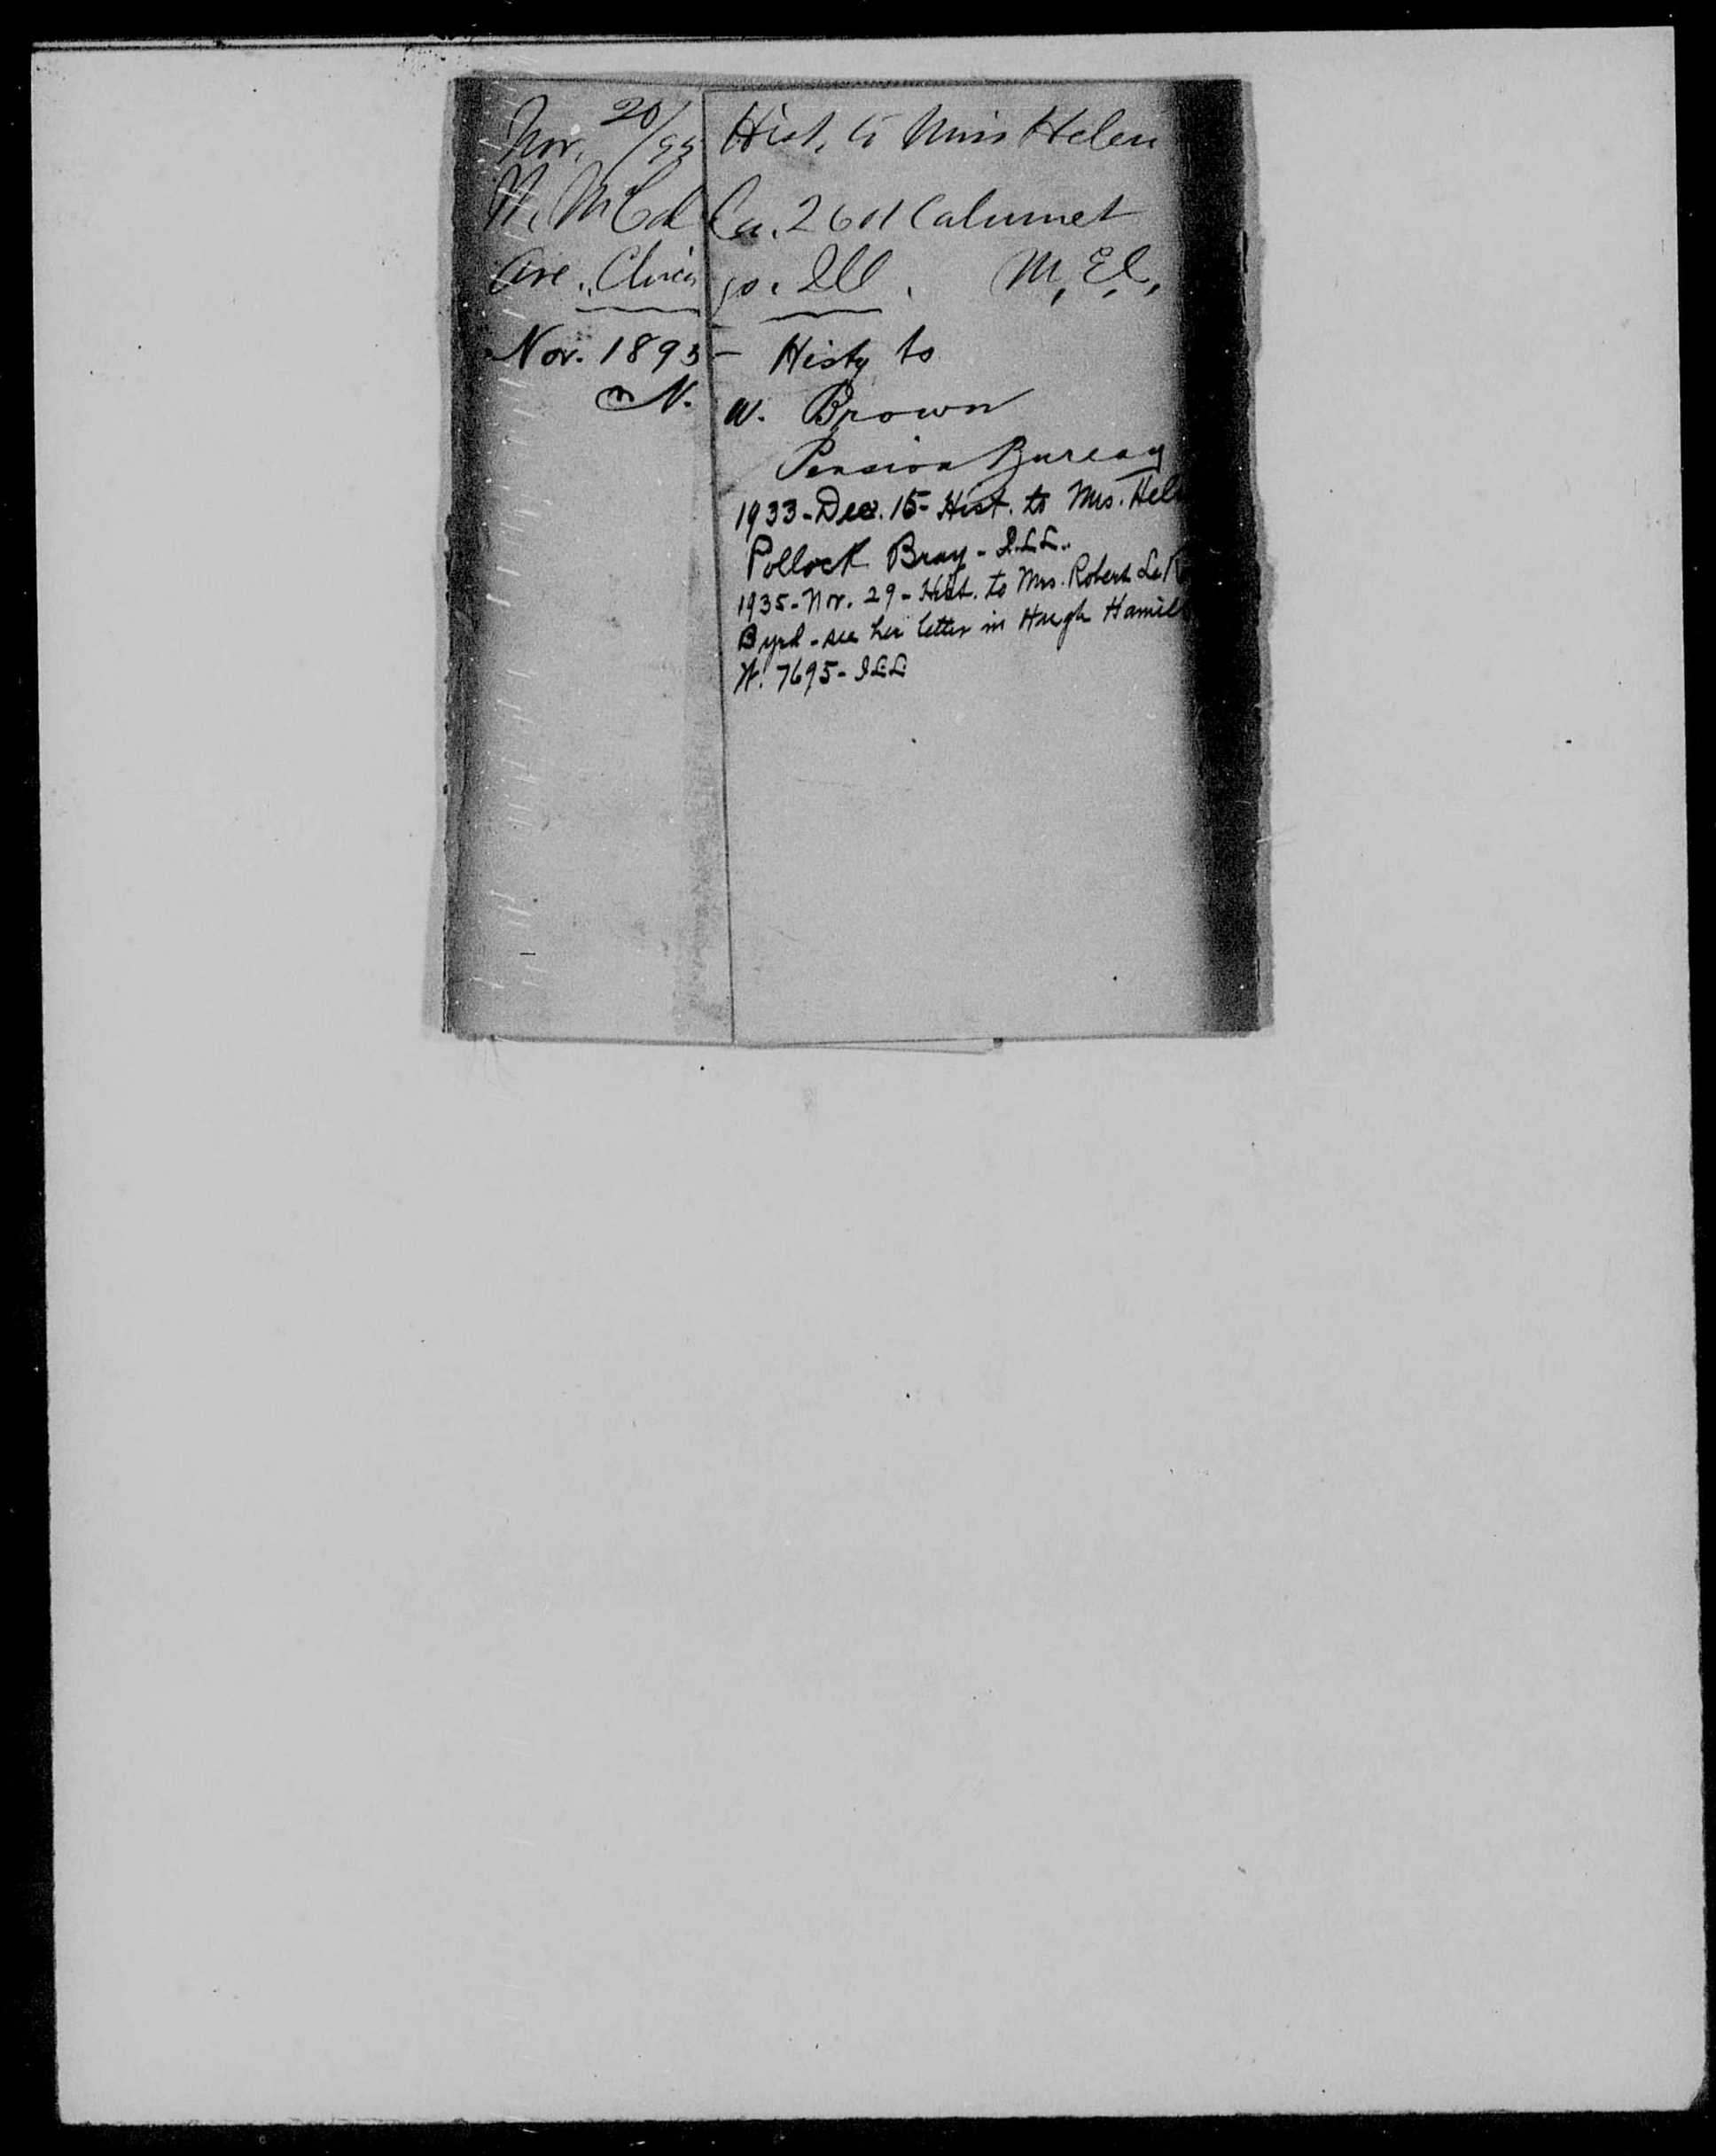Nov. 20/95 Hist to Miss Helen
Mac Calla. 2601 Calumet
Ave., Chicago, Ill.  M, El,

Nov. 1895 Hist to 
N. W. Brown
Pension Bureau
1933 - Dec. 15. Hist. to Mrs. Hel [cut off]
Pollock Bray - ILL.
1935 - Nov. 29 - Hist. to Mrs. Robert Le [cut off]
Byrd - see her letter in Hugh Hamill [cut off]
W. 7695-ILL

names: Hele Pollock Bray, Robert Le R Byrd, N W Brown, Hugh Hamil, Helen W Mc Calla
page: 47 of 92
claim: widow's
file: W 1173, Robert Hamill, Penn.